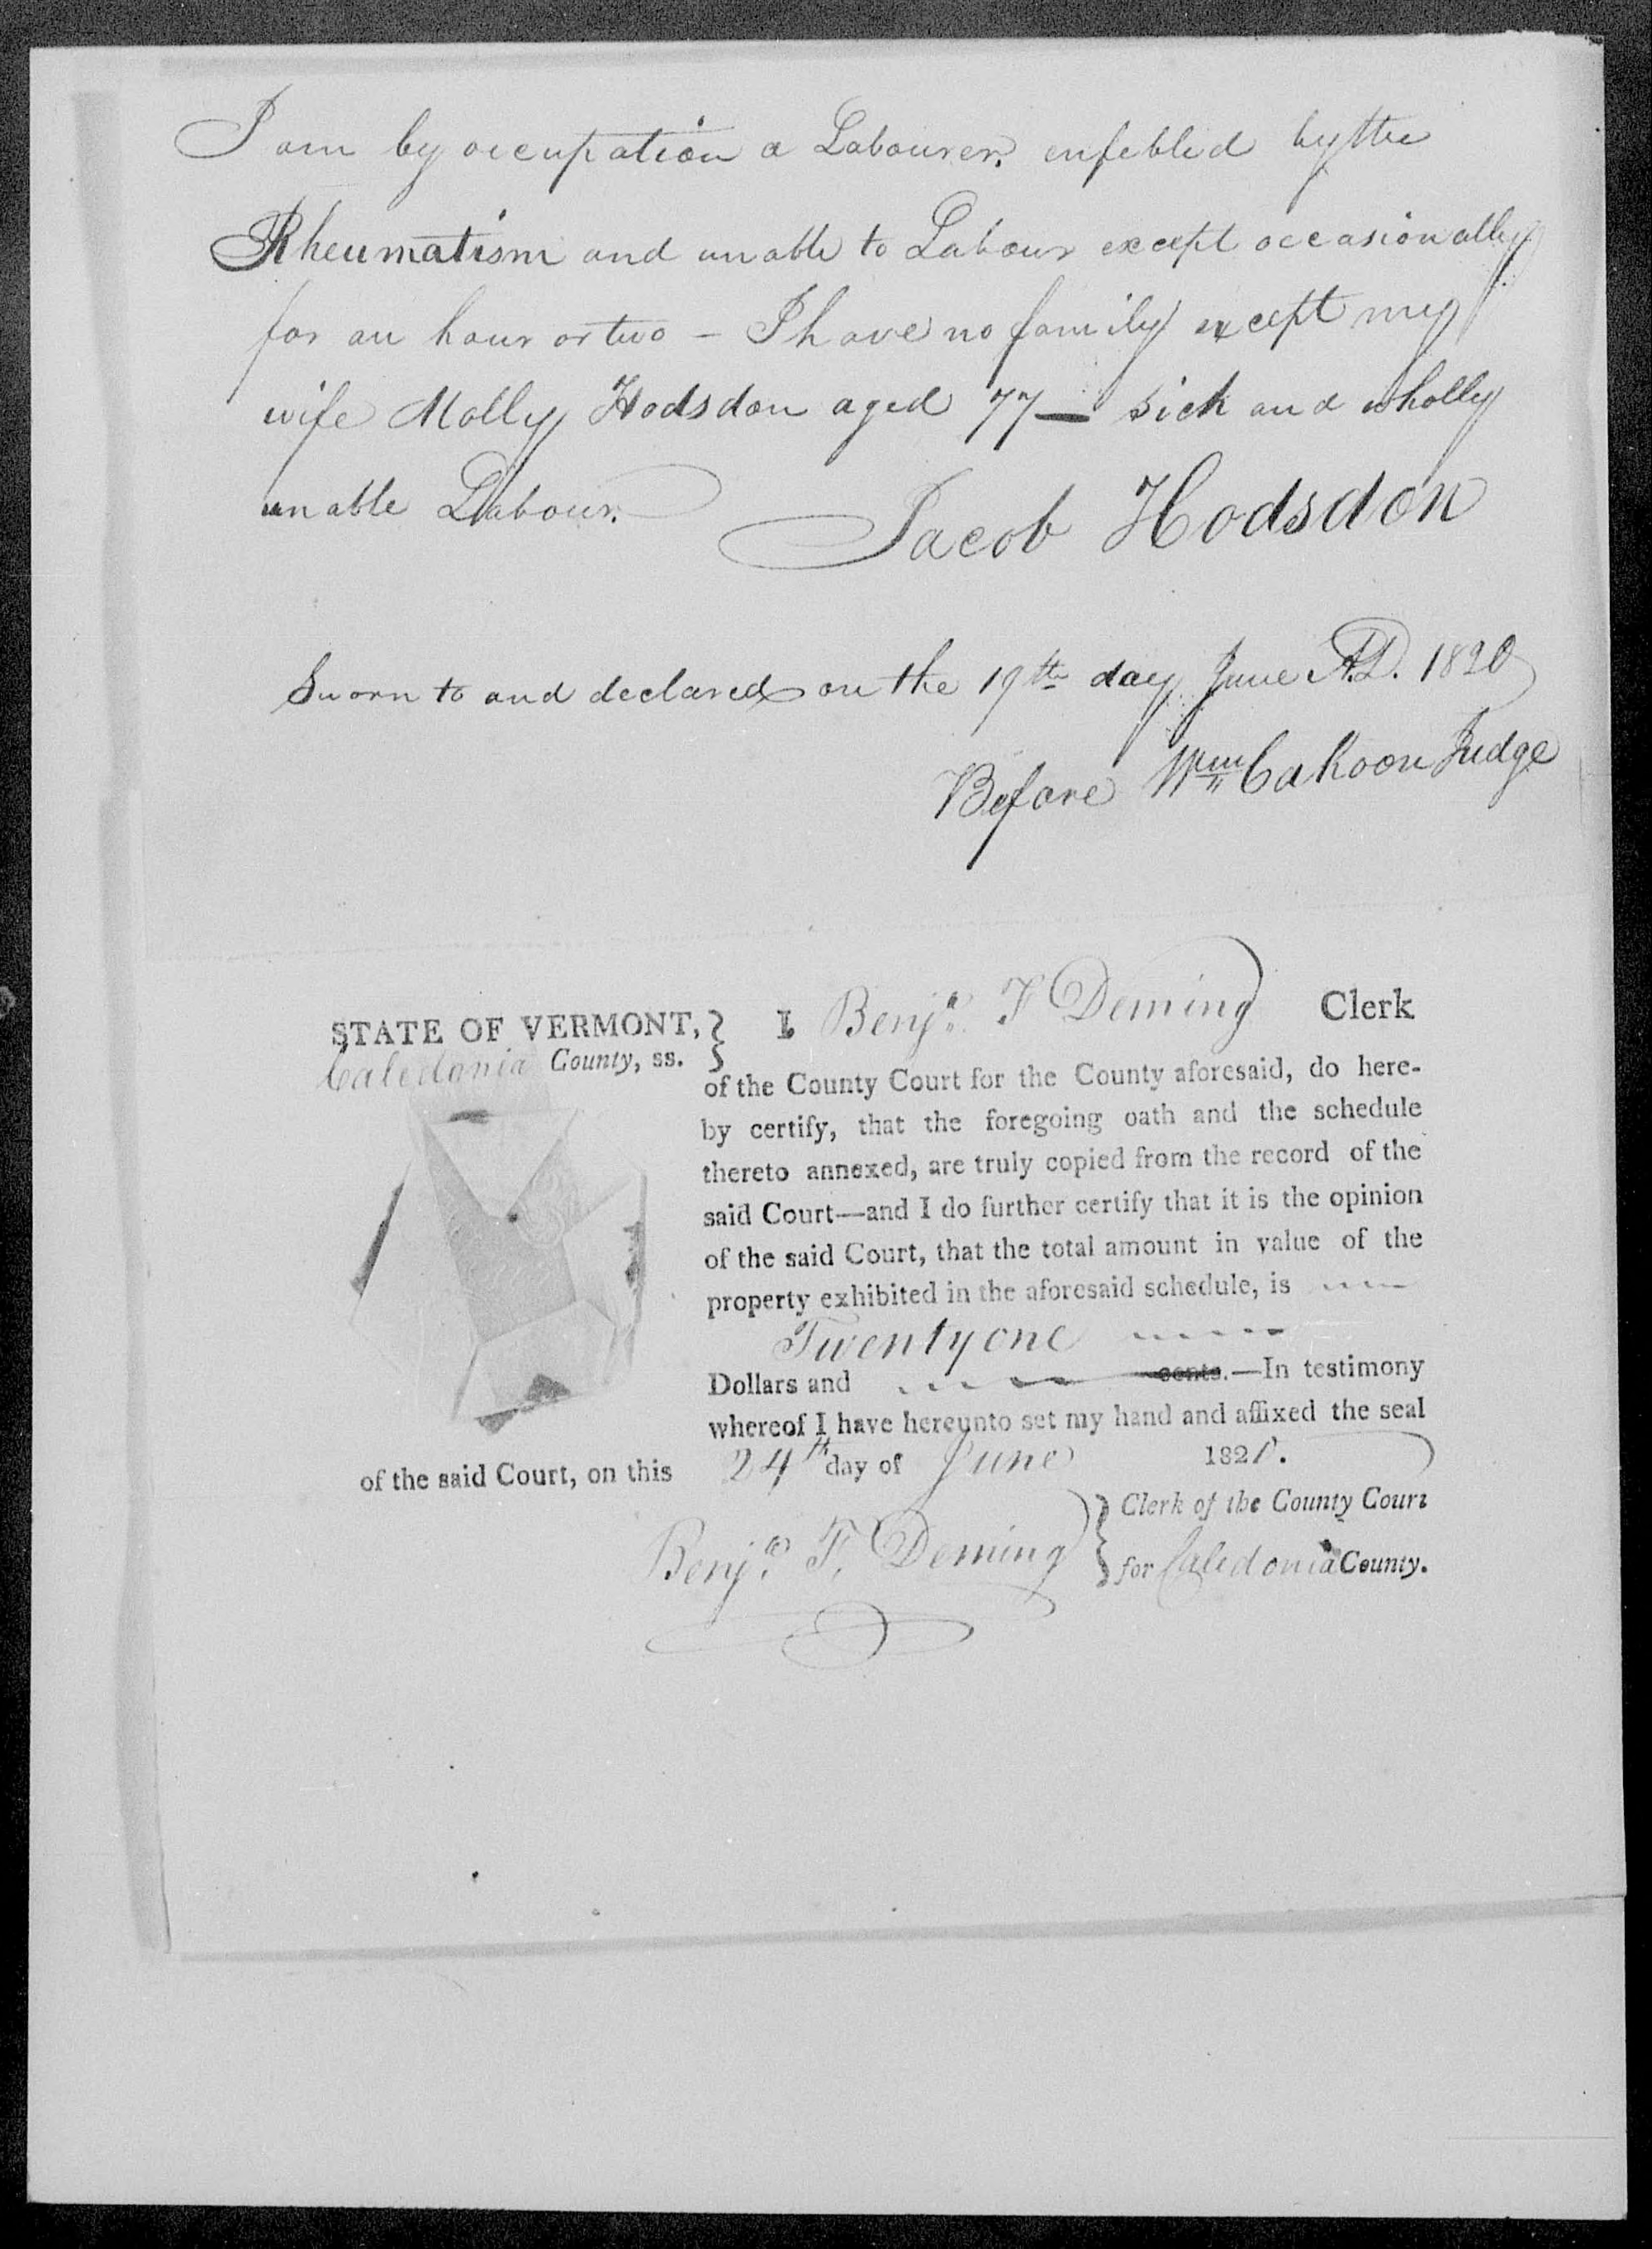I am by occupation a Labourer infebled by the Rheumatism and unable to Labour except occasionally for one hour or two - I have no family except my wife Molly Hodsdon aged 77 - sick and wholly unable Labour.
[signed] Jacob Hodsdon
Sworn to and declared on the 19th day June AD 1820
Before [signed] Wm Cahoon Judge

STATE OF VERMONT
Caledonia County, ss.} 
I Benj. F Deming Clerk of the County Court for the County aforesaid, do hereby certify, that the foregoing oath and the schedule thereto annexed, are truly copied from the record of the said Court - and I do further certify that it is the opinion of the said Court, that the total amount in value of the property exhibited in the aforesaid schedule is Twenty one Dollars and - In testimony whereof I have hereunto set my hand and affixed the seal of the said Court, on this 24th day of June 1820.
[signed] Benj. F. Deming} Clerk of the County Court for Caledonia County.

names: Benja F Deming, Molly Hodsdon, Benja F Deming, Jacob Hodsdon, Wm Cahoon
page: 7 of 22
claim: survivor's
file: S 44445, Jacob Hodsdon, Mass.